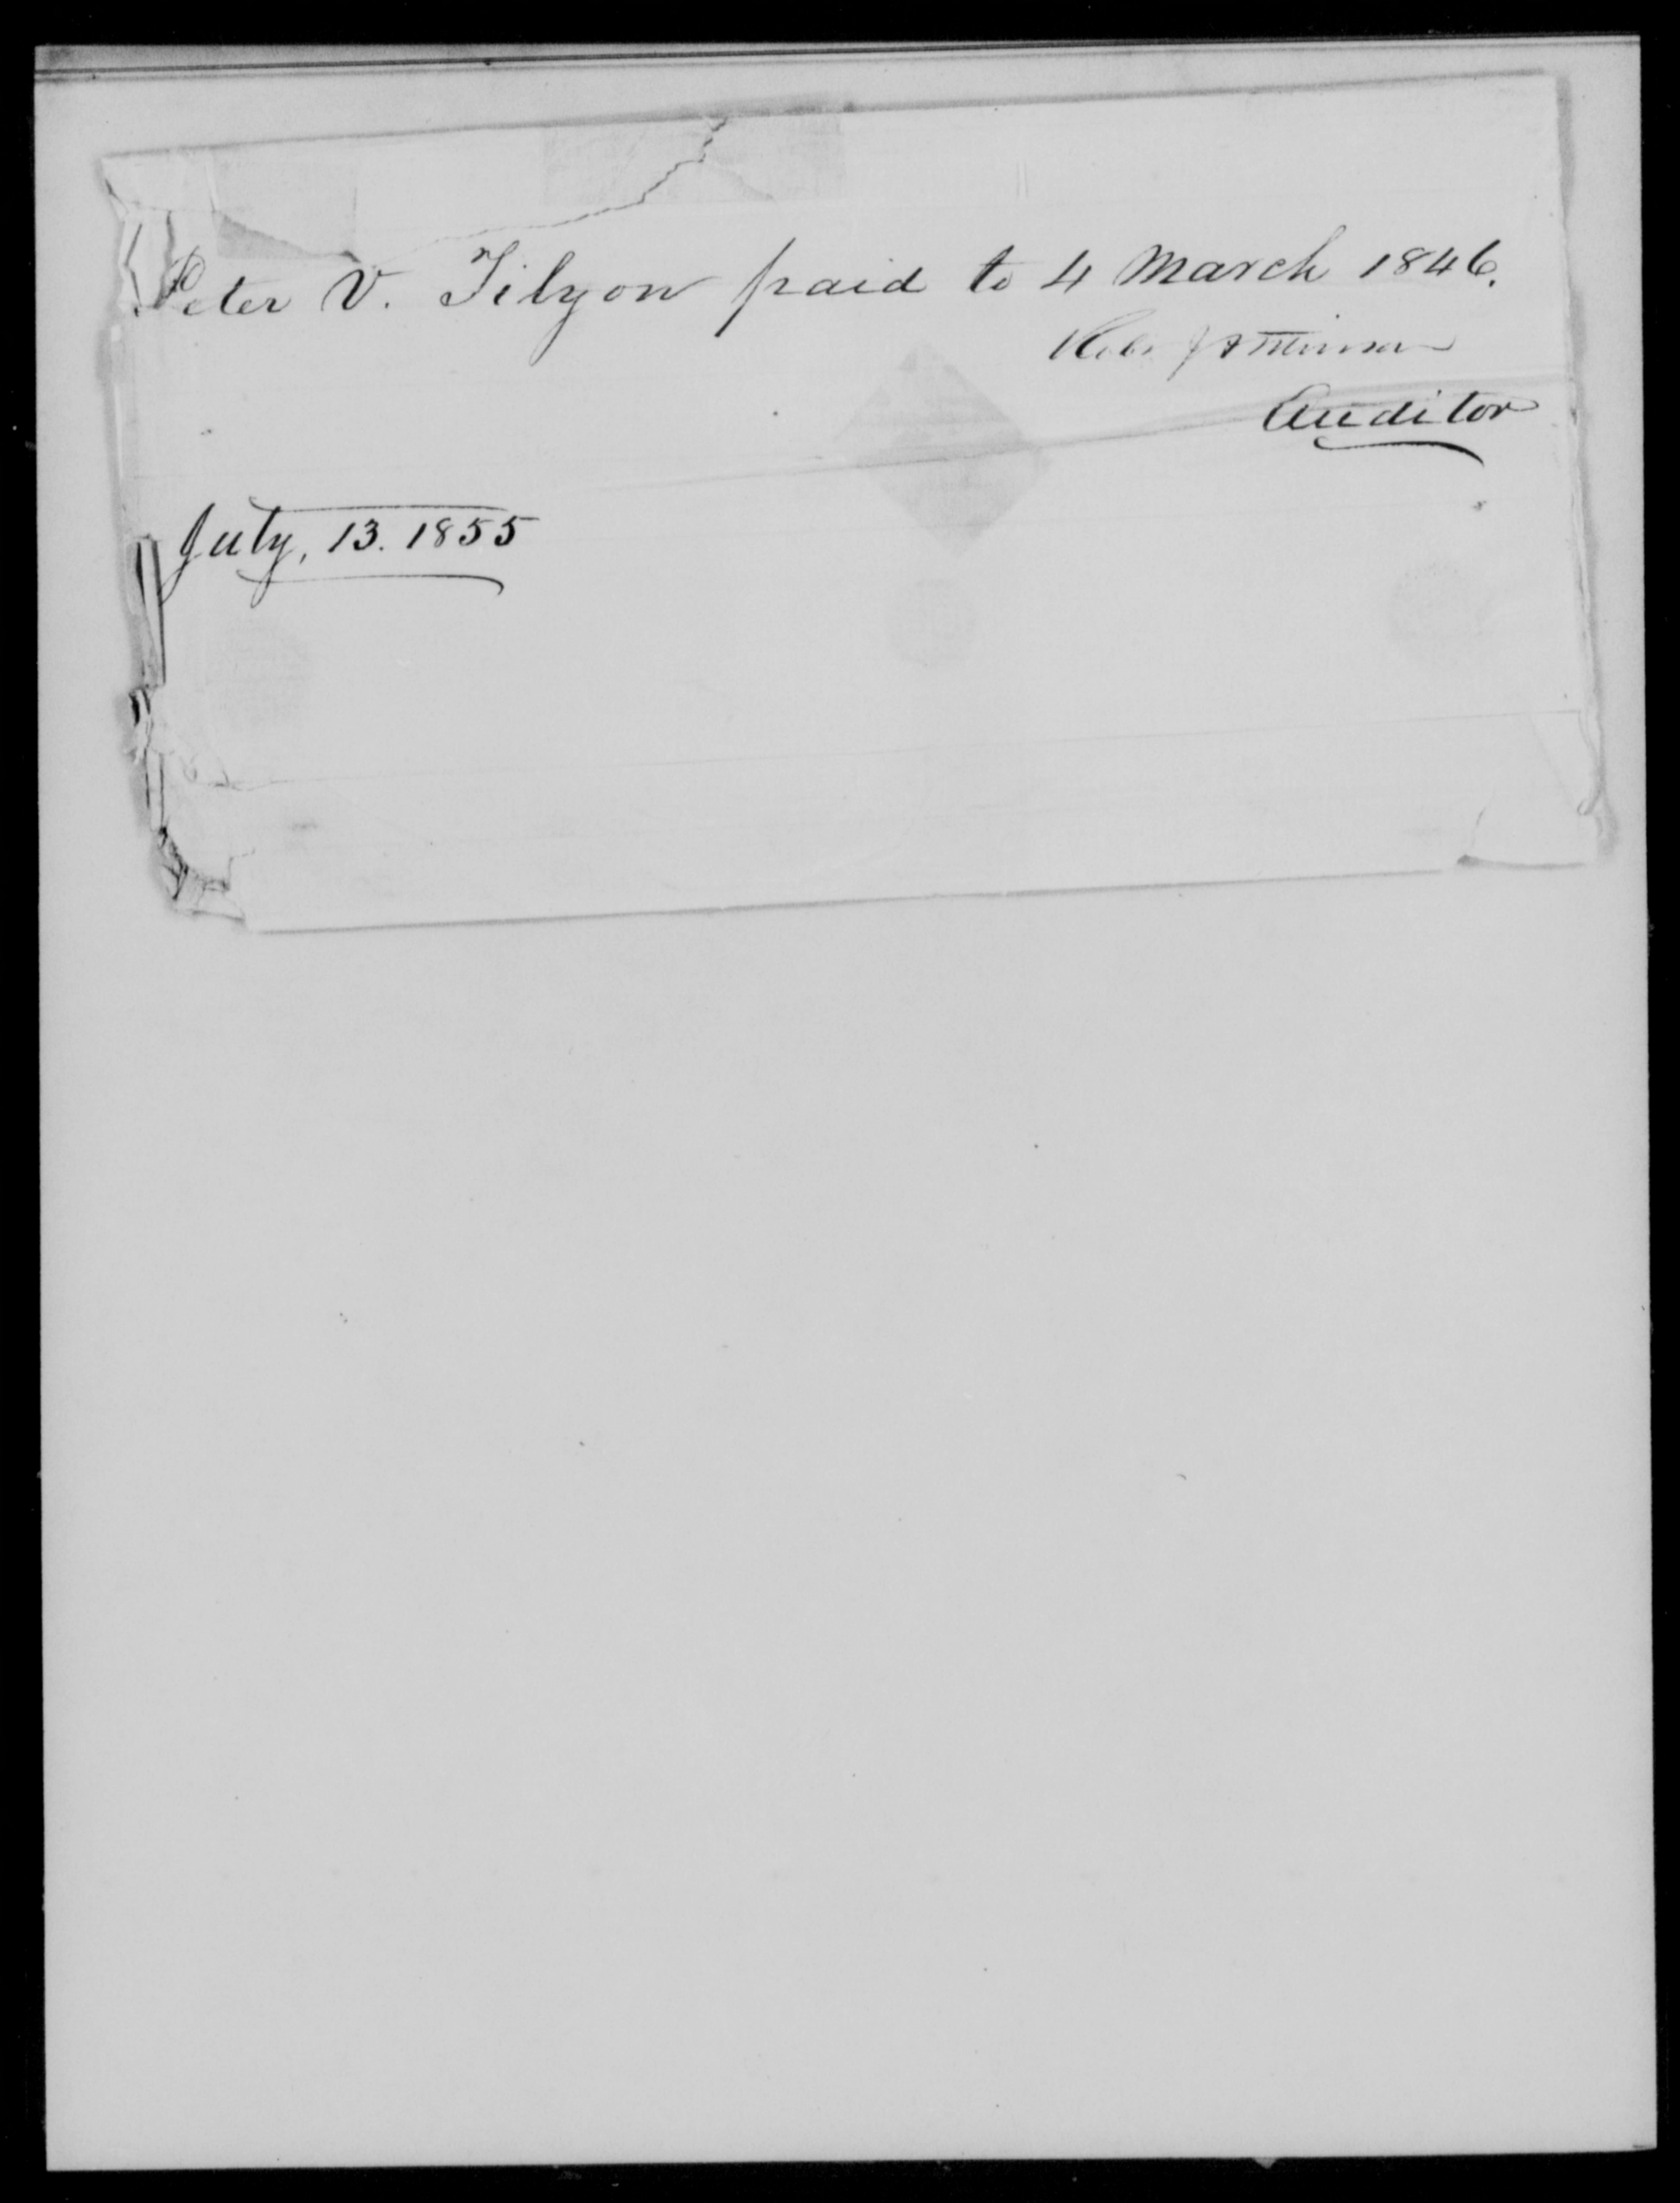Peter V. Tilyon paid to 4 March 1846
Robinson
Creditor
Jr
ty, 13. 1855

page: 50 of 101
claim: widow's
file: W. 25481, for Peter V Tilyou, New Jersey